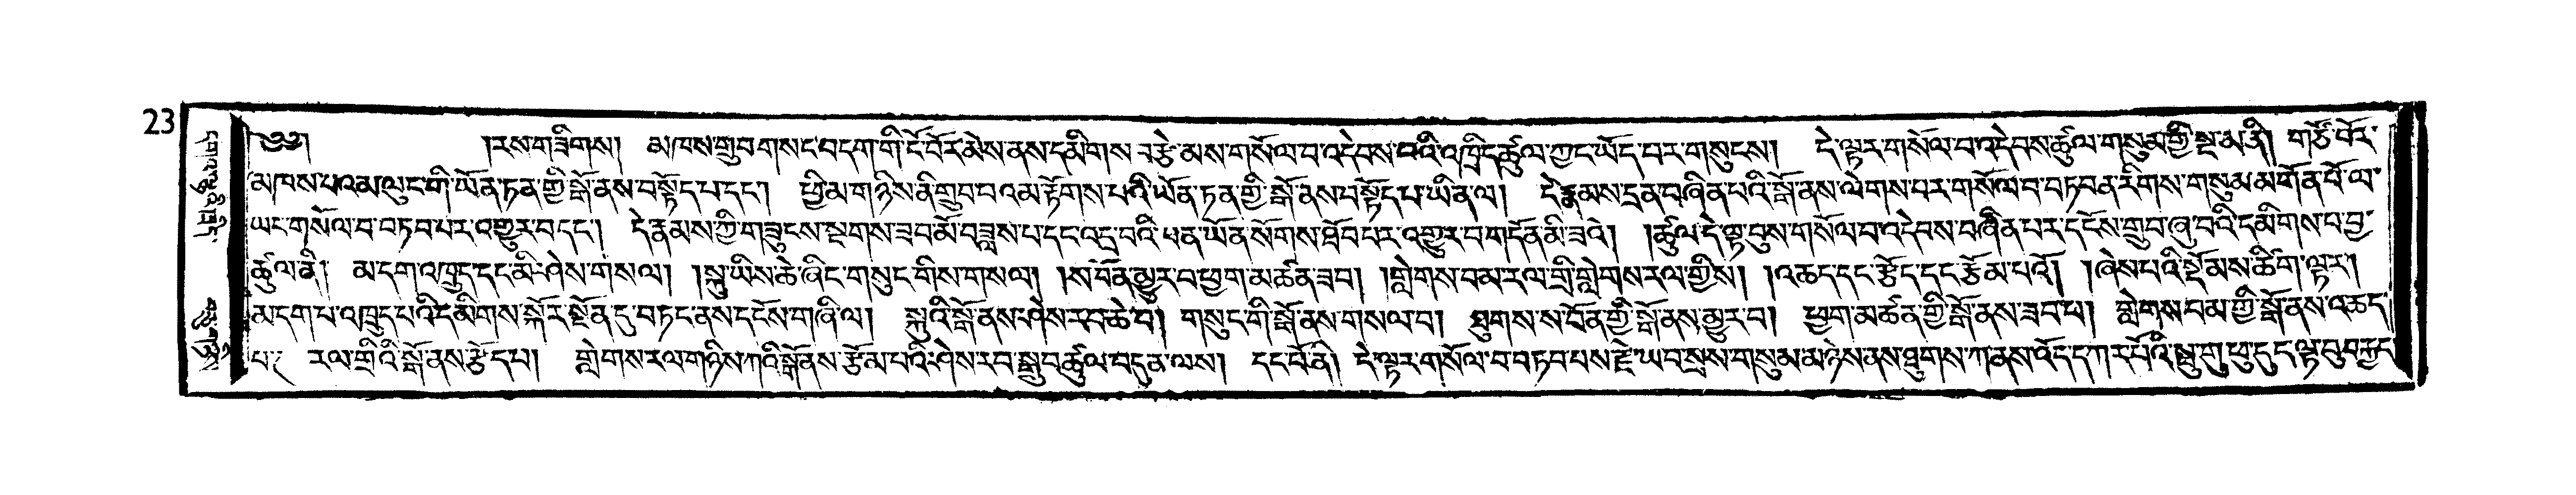༄༅། །རས་གཟིགས། མཁས་གྲུབ་གསང་བདག་གི་ངོ་བོར་མེས་ནས་དམིགས་བརྩེ་མས་གསོལ་བ་འདེབས་པའི་འཁྲིད་ཚུལ་ཀྱང་ཡོད་པར་གསུངས། དེ་ལྟར་གསོལ་བ་འདེབས་ཚུལ་གསུམ་གྱི་སྔ་མ་ནི། གཙོ་བོར་
མཁས་པའམ་ལུང་གི་ཡོན་ཏན་གྱི་སྒོ་ནས་བསྟོད་པ་དང་། ཕྱི་མ་གཉིས་ནི་གྲུབ་པའམ་རྟོགས་པའི་ཡོན་ཏན་གྱི་སྒོ་ནས་བསྟོད་པ་ཡིན་ལ། དེ་རྣམས་དྲན་བཞིན་པའི་སྒོ་ནས་ལེགས་པར་གསོལ་བ་བཏབ་ན་རིགས་གསུམ་མགོན་པོ་ལ་
ཡང་གསོལ་བ་བཏབ་པར་འགྱུར་བ་དང་། དེ་རྣམས་ཀྱི་གཟུངས་སྔགས་ཟབ་མོ་བཟླས་པ་དང་འདྲ་བའི་ཕན་ཡོན་སོགས་ཐོབ་པར་འགྱུར་བ་གདོན་མི་ཟའེ། །ཚུལ་དེ་ལྟ་བུ་གསོལ་བ་འདེབས་བཞིན་པར་དངོས་གྲུབ་ཞུ་བའི་དམིགས་པ་བྱ་
ཚུལ་ནི། མ་དག་འཁྲུད་དང་མི་ཤེས་གསལ། །སྐུ་ཡིས་ཆེ་ཞིང་གསུང་གིས་གསལ། །ས་བོན་མྱུར་བ་ཕྱག་མཚན་ཟབ། །གླེགས་བམ་རལ་གྲི་གླེགས་རལ་གྱིས། །འཆད་དང་རྩོད་དང་རྩོམ་པའོ། །ཞེས་པའི་སྡོམས་ཚིག་ལྟར།
མ་དག་པ་འཁྲུད་པའི་དམིགས་སྐོར་སྔོན་དུ་བཏང་ནས་དངོས་གཞི་ལ། སྐུའི་སྒོ་ནས་ཤེས་རབ་ཆེ་བ། གསུང་གི་སྒོ་ནས་གསལ་བ། ཐུགས་ས་བོན་གྱི་སྒོ་ནས་མྱུར་བ། ཕྱག་མཚན་གྱི་སྒོ་ནས་ཟབ་པ། གླེགས་བམ་གྱི་སྒོ་ནས་འཆད་
པ། རལ་གྲིའི་སྒོ་ནས་རྩོད་པ། གླེགས་རལ་གཉིས་ཀའི་སྒོ་ནས་རྩོམ་པའི་ཤེས་རབ་སྒྲུབ་ཚུལ་བདུན་ལས། དང་པོ་ནི། དེ་ལྟར་གསོལ་བ་བཏབ་པས་རྗེ་ཡབ་སྲས་གསུམ་མཉེས་ནས་ཐུགས་ཀ་ནས་འོད་དཀར་པོའི་སྤུ་གུ་ཕུ་དུང་ལྟ་བུ་བརྐྱང་